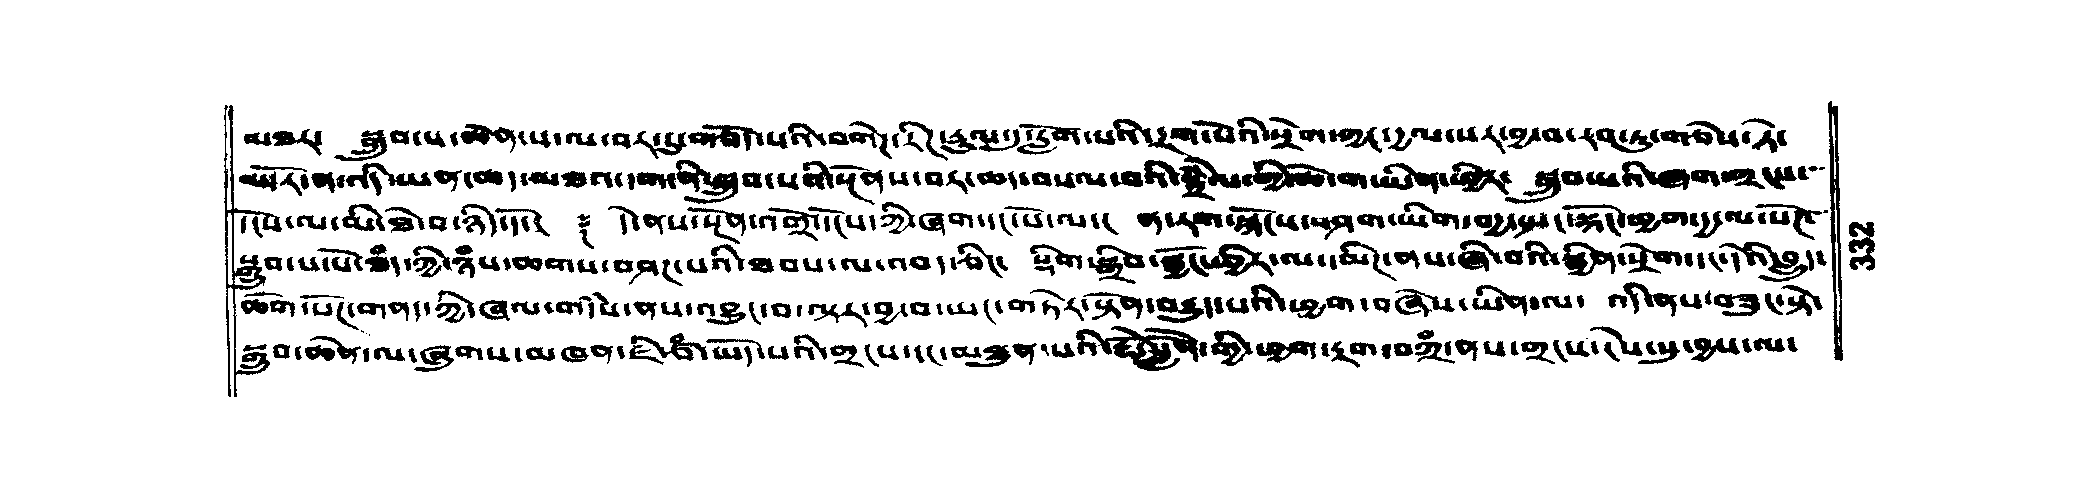མཐར། སྒྲུབ་པ་ཆེན་པོ་ལ་བར་དུ་གཅོད་པའི་བགེགས་རིགས་རྡུལ་དུ་རློག་པའི་དྲག་པོའི་སྲེག་ཀྱང་རྒྱས་པར་བྱ་བ་རབ་ཏུ་གཅེས་ཏེ། 
མདོར་ན་འདི་ཡན་ཆད་མཐའ་དག་ནི་སྒྲུབ་པའི་སྔོན་ནས་བར་ཆད་བསལ་བའི་རྟེན་འབྲེལ་གྱི་ཆོ་ག་ཡིན་ཕྱིར། སྒྲུབ་པའི་ཞག་གྲངས་
སྒོང་ལ་མི་ཐེ་བ་ཉིད་དོ། ༈ དེ་ནས་སྔོན་འགྲོ་དངོས་ཀྱི་ཞག་དང་པོ་ལ། ན་རག་སྐོངས་བཤགས་ཡིག་བརྒྱ་སྤང་སྐོང་ཕྱག་རྒྱ་ལ་སོགས་
སྒྲུབ་པ་པོ་ཐམས་ཅད་ཀྱི་ཉམས་ཆགས་བཤགས་པའི་ཐབས་ལ་འབད་ཅིང་། སྡིག་སྒྲིབ་སྦྱོང་ཕྱིར་ལ་དམིགས་ནས་ཞི་བའི་སྦྱིན་སྲེག་དང་དེའི་བླུད་
ཆོག་སོགས་གནད་ཀྱི་ཞལ་གདམས་ནས་འབྱུང་བ་ལྟར་བྱ་བ་ཡང་གཏེར་སྟོན་བརྒྱུད་པའི་ཕྱག་བཞེས་ཡིན་ལ། འདི་ནས་བཟུང་སྟེ་
སྒྲུབ་ཆེན་ལ་ཞུགས་མཁན་ཇི་ཙམ་ཡོད་པའི་གྲངས་དང་མཐུན་པའི་རྡོ་རྗེ་སློབ་དཔོན་གྱི་ཕྱག་རྟགས་བཀྲམ་ནས་གྲངས་ངེས་སུ་བྱས་ལ།